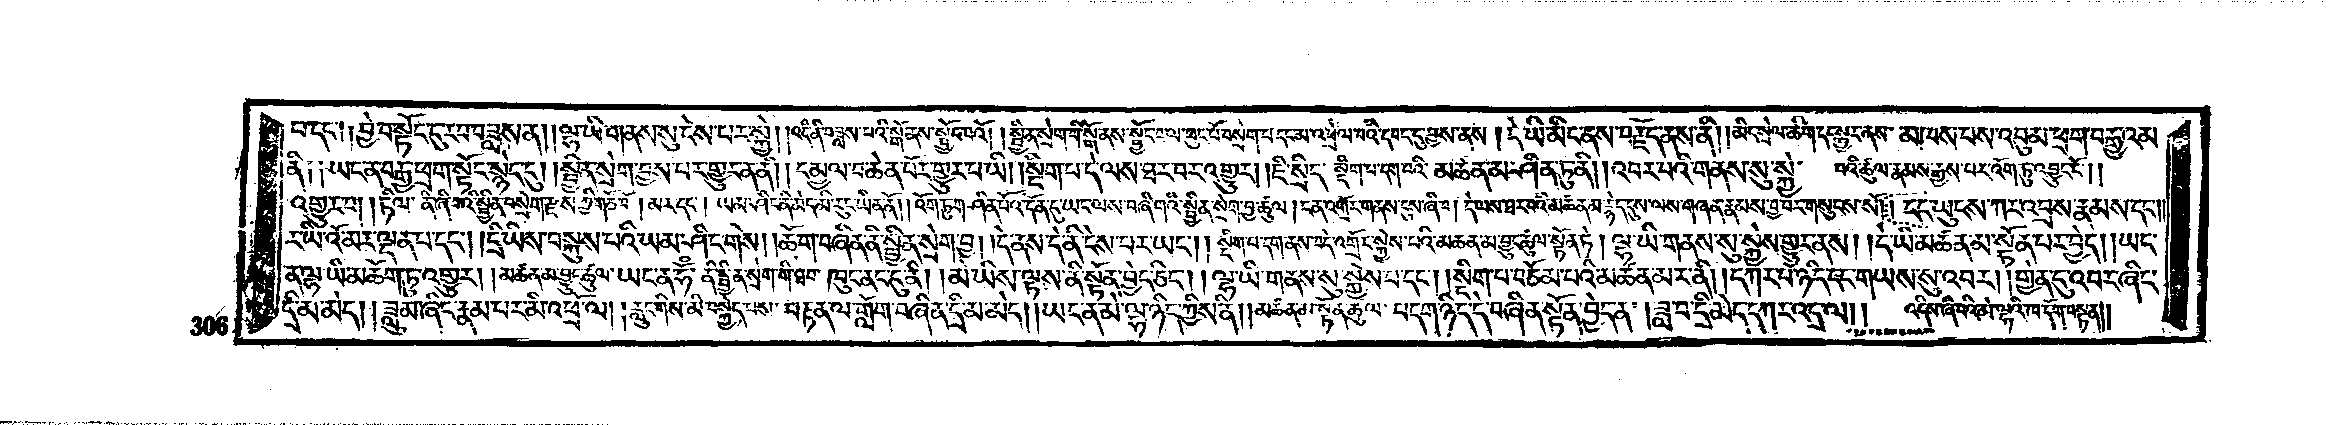བ་དང་། །བྱེ་བ་སྟོང་དུ་རབ་བཟླས་ན། །ལྷ་ཡི་གནས་སུ་ངེས་པར་སྐྱེ། ། འདི་ནི་བཟླས་པའི་སྒོ་ནས་སྦྱོང་བའོ། །སྦྱིན་སྲེག་གི་སྒོ་ནས་སྦྱོང་བ་ལ་ཕུང་པོ་བསྲེག་པ་དང་མ་འབྲེལ་བའི་དབང་དུ་བྱས་ནས།  དེ་ཡི་མིང་ནས་བརྗོད་ནས་ནི། ། མིང་སྤེལ་ཚིག་དང་སྦྱར་ནས་མཁས་པས་འབུམ་ཕྲག་བརྒྱ་འམ་
ནི། །ཡང་ན་བརྒྱ་ཕྲག་སྟོང་སྙེད་དུ། །སྦྱིན་སྲེག་བྱས་པར་གྱུར་ན་ནི། །དམྱལ་བ་ཆེན་པོར་གྱུར་པ་ཡི། །སྡིག་པ་དེ་ལས་ཐར་བར་འགྱུར། །ཇི་སྲིད་སྡིག་པ་དག་པའི་མཚན་མ་ཤིན་ཏུ་ནི། །འབར་བའི་གནས་སུ་སྐྱེ་བའི་ཚུལ་རྣམས་རྒྱས་པར་འོག་ཏུ་འབྱུང་ངོ། །
འགྱུར་བ། །ཏིལ་ནི་ཞི་བའི་སྦྱིན་བསྲེག་རྫས་ཀྱི་གཙོ་བོ། མར་དང་། ཡམ་ཤིང་ནི་མེད་མི་རུང་ཡིན་ནོ། །འོག་ཏུ་གཤིན་པོའི་དོན་དུ་ཡང་ལས་བཞི་གའི་སྦྱིན་སྲེག་བྱ་ཚུལ། ངན་འགྲོར་གནས་དུས་ཞི་བ། དེ་ལས་ཐར་བའི་མཚན་མ་རྙེད་དུས་ལས་གཞན་རྣམས་བྱ་བར་གསུངས་སོ། །  དང་ཡུངས་ཀར་འབྲས་རྣམས་དང་། །
ར་ཡི་འོ་མར་ལྡན་པ་དང་། །དྲི་ཡིས་བསྐུས་པའི་ཡམ་ཤིང་གིས། །ཆོ་ག་བཞིན་ནི་སྦྱིན་སྲེག་བྱ། །དེ་ནས་དེ་ནི་ངེས་པར་ཡང་། ། སྡིག་པ་དག་ནས་བདེ་འགྲོར་སྐྱེས་པའི་མཚན་མ་བྱུང་ཚུལ་སྟོན་ཏེ།  ལྷ་ཡི་གནས་སུ་སྐྱེས་གྱུར་ནས། །དེ་ཡི་མཚན་མ་སྟོན་པར་བྱེད། །ཡང་
ན་ལྷ་ཡི་མཆོག་ཏུ་འགྱུར། ། མཚན་མ་བྱུང་ཚུལ་ཡང་ན་ཧོཾ་ནི་སྦྱིན་སྲེག་གི་ཐབ་ཁུང་ནང་དུ་ནི། །མེ་ཡིས་ལྟས་ནི་སྟོན་བྱེད་ཅིང་། །ལྷ་ཡི་གནས་སུ་སྐྱེས་པ་དང་། །སྡིག་པ་བཅོམ་པའི་མཚན་མར་ནི། །དཀར་པོ་ཉིད་དང་གཡས་སུ་འབར། །གྱེན་དུ་འབར་ཞིང་
དྲི་མ་མེད། །ཟླུམ་ཞིང་རྣམ་པར་མི་འཕྲོ་ལ། ། རླུང་གིས་མི་བསྐྱེད་པས་བརྟན་ལ་གློག་བཞིན་དྲི་མ་མེད། །ཡང་ན་མེ་ལྷ་ཉིད་ཀྱིས་ནི། ། མཚན་མ་སྟོན་ཚུལ་བདག་ཉིད་དེ་བཞིན་སྟོན་བྱེད་ན། །ཟླ་བ་དྲི་མེད་དཀར་འདྲ་ལ། ། འདིས་ཞི་བའི་མེ་ལྷའི་ཁ་དོག་བསྟན། །